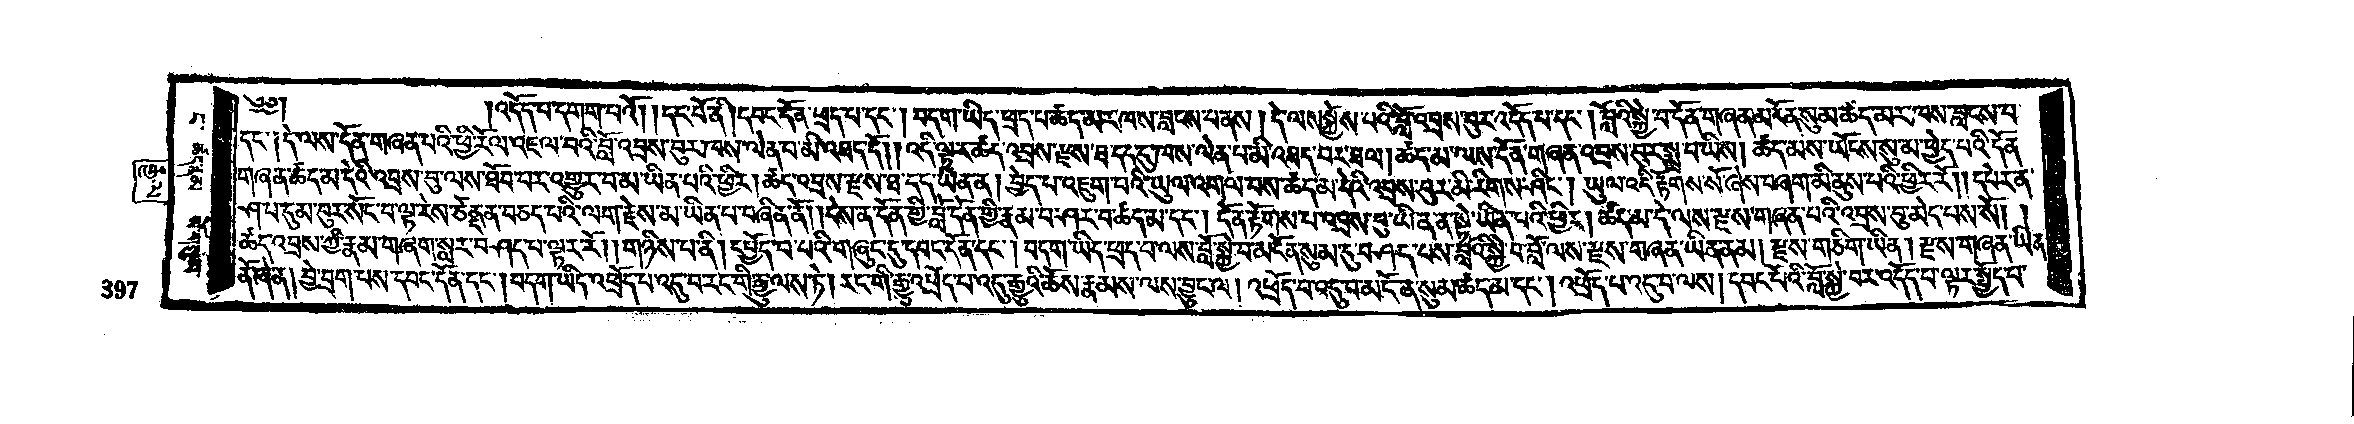༄༅། །འདོད་པ་དགག་པའོ། །དང་པོ་ནི། དབང་དོན་ཕྲད་པ་དང་། བདག་ཡིད་ཕྲད་པ་ཚད་མར་ཁས་བླངས་པ་ནས། དེ་ལས་སྐྱེས་པའི་བློ་འབྲས་བུར་འདོད་པ་དང་། བློའི་སྐྱེ་བ་དོན་གཞན་མངོན་སུམ་ཚད་མར་ཁས་བླངས་པ་
དང༑ དེ་ལས་དོན་གཞན་པའི་ཕྱི་རོལ་འཇལ་བའི་བློ་འབྲས་བུར་ཁས་ལེན་པ་མི་འཐད་དོ། །འདི་ལྟར་ཚད་འབྲས་རྫས་ཐ་དད་དུ་ཁས་ལེན་པ་མི་འཐད་པར་ཐལ། ཚད་མ་ལས་དོན་གཞན་འབྲས་བུར་སྨྲ་བ་ཡིས། ཚད་མས་ཡོངས་སུ་མ་ཕྱེད་པའི་དོན་
གཞན་ཚད་མ་དེའི་འབྲས་བུ་ལས་ཐོབ་པར་འགྱུར་བ་མ་ཡིན་པའི་ཕྱིར་ཚད་འབྲས་རྫས་ཐ་དད་ཡིན་ན། བྱེད་པ་འཇུག་པའི་ཡུལ་འགལ་བས་ཚད་མ་དེའི་འབྲས་བུར་མི་རིགས་ཤིང་། ཡུལ་འདི་རྟོགས་སོ་ཞེས་བཞག་མི་ནུས་པའི་ཕྱིར་རོ། །དཔེར་ན་
ཤ་པ་དུ་མ་བུར་སོང་བ་ལྟ་རེས་ཙནྡན་བཅད་པའི་ལག་རྗེས་མ་ཡིན་པ་བཞིན་ནོ། །དེས་ན་དོན་གྱི་བློ་དོན་གྱི་རྣམ་པ་ཤར་བ་ཚད་མ་དང་། དོན་རྟོགས་པ་འབྲས་བུ་ཡིན་ན་སྟེ་ཡིན་པའི་ཕྱིར། ཚད་མ་དེ་ལས་རྫས་གཞན་པའི་འབྲས་བུ་མེད་པས་སོ། །
ཚད་འབྲས་ཀྱི་རྣམ་གཞག་སླར་བཤད་པ་ལྟར་རོ། །གཉིས་པ་ནི། དཔྱོད་པ་པའི་གཞུང་དུ་དབང་དོན་དང་། བདག་ཡིད་ཕྲད་པ་ལས་བློ་སྐྱེ་བ་མངོན་སུམ་དུ་བཤད་པས་བློའི་སྐྱེ་བ་བློ་ལས་རྫས་གཞན་ཡིན་ནམ། རྫས་གཅིག་ཡིན། རྫས་གཞན་ཡིན་
ནོ་ཞེ་ན། བྱེ་བྲག་པས་དབང་དོན་དང་། བདག་ཡིད་འཕྲོད་པ་འདུ་བ་རང་རྒྱུ་ལས་ཏེ། རང་གི་རྒྱུ་འཕྲོད་པ་འདུ་རྒྱུའི་ཆོས་རྣམས་ལས་བྱུང་ལ། འཕྲོད་བ་འདུ་བ་མངོན་སུམ་ཚད་མ་དང་། འཕྲོད་པ་འདུ་བ་ལས། དང་པོའི་བློ་སྐྱེ་བར་འདོད་པ་ལྟར་སྤྱོད་པ་